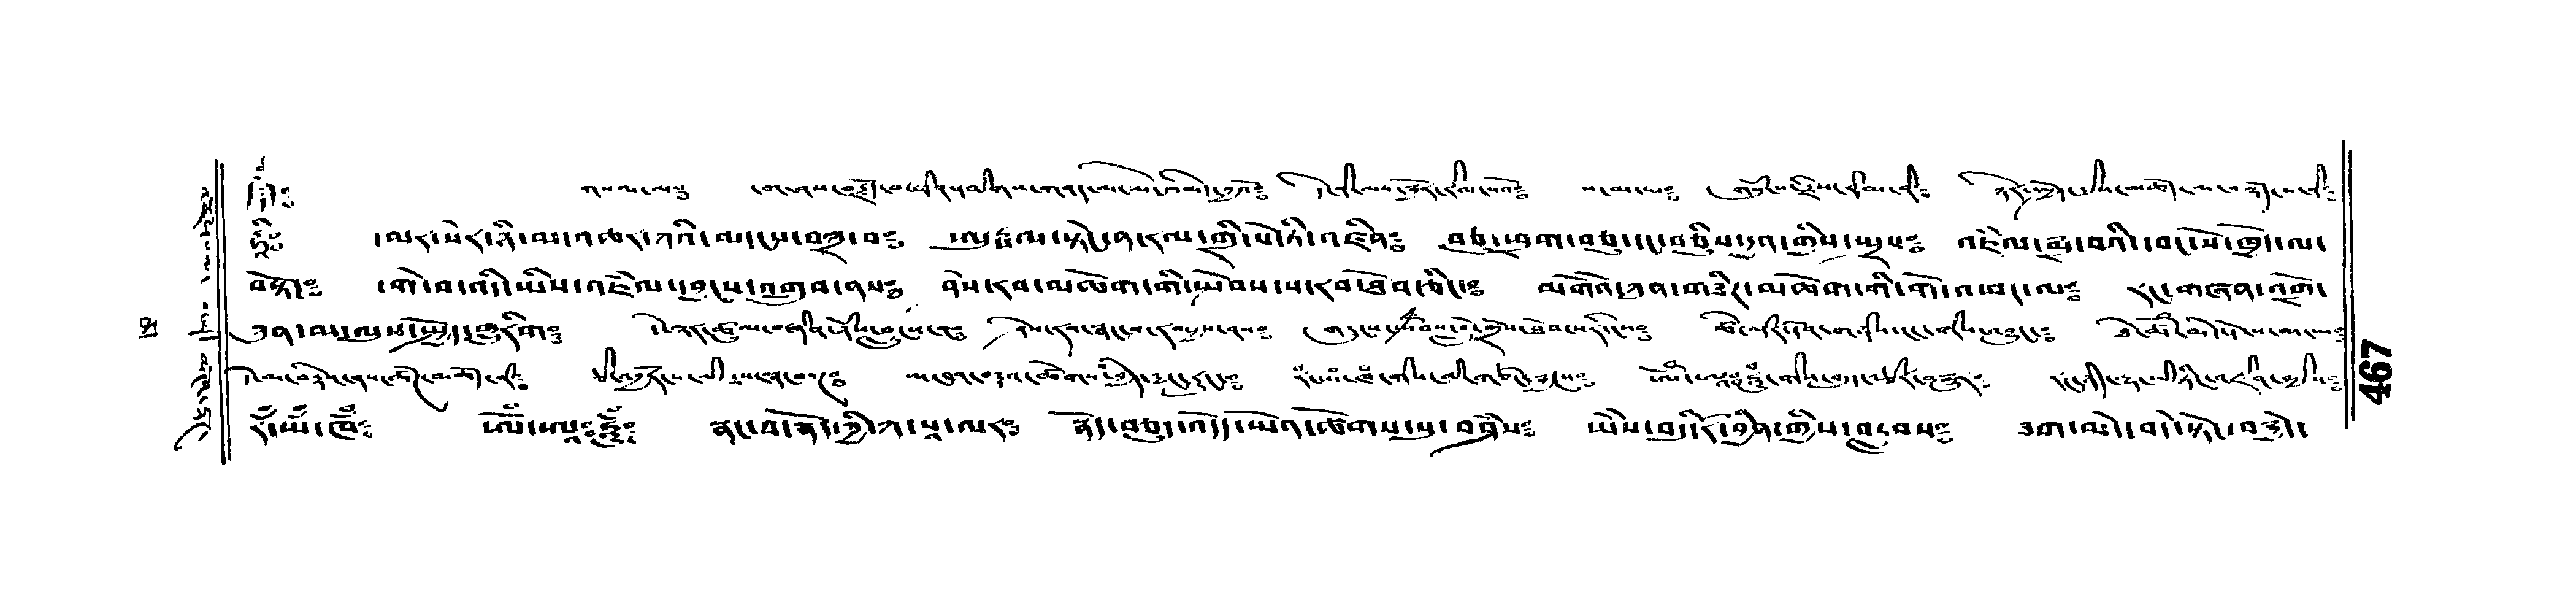གསལ་ལ༔ ངག་ནས་བརྗོད་བཞིན་དམིགས་གནད་ལ་ཡེངས་མེད་བྱའོ༔ དེ་ནི་ལས་སྦྱོར་རིམ་པའོ༔ ས་མ་ཡ༔ གསུམ་པ་རྗེས་རིམ་ནི༔ ཉེར་སྤྱོད་ཀྱིས་མཆོད་ལ་བསྟོད་པ་ནི༔ 
དྷཱིཿ དམར་སེར་ཉི་མ་འཆར་ཀའི་མདངས་བཀྲ་བ༔ཨུཏྤལ་སྟེང་ན་རལ་གྲི་པོ་ཏི་འཛིན༔ བཅུ་ཕྲག་བཅུ་དང་བཅུ་གཉིས་རྒྱན་གྱིས་སྤྲས༔ འཇམ་དཔལ་སྨྲ་བའི་དབང་པོ་ཁྱོད་ལ་
བསྟོད༔ དགེ་བ་འདི་ཡིས་འཇམ་དཔལ་དབྱངས་འགྲུབ་ནས༔ ཤེས་རབ་མཆོག་གི་སྤོབས་པ་རབ་ཐོབ་ཅིང༔ མགོན་པོ་ཀུན་གཟིགས་མཆོག་གི་གོ་འཕང་ལ༔ རང་གཞན་འགྲོ་
ཀུན་མ་ལུས་སྤྱོད་གྱུར་ཅིག༔ དེ་ལྟར་ཚུལ་བཞིན་ཉམས་བླངས་ན༔ ཤེས་རབ་སྣང་བ་རབ་རྒྱས་ནས༔ གཟུངས་སྤོབས་བློ་གྲོས་ཐོབ་པར་ངེསཿ ཚེ་འདིར་དོན་གཉིས་ངང་གིས་འབྱུང༔ ཐེ་ཚོམ་མེད་དོ་ས་མ་ཡ༔ 
དེ་ལ་བརྟེན་ནས་ཚོགས་མཆོད་ནི༔ ཅི་འབྱོར་པ་ཡི་ཟས་སྣ་བསགས༔ ཡང་ན་བཟའ་ཚོགས་བྱེད་ཀྱང་རུང༔ རྃ་ཡྃ་ཁྃ་གིས་མི་གཙང་སྦྱངས༔ ཨོཾ་ཨཱཿཧཱུཾ་གིས་བདུད་རྩིར་བསྒྱུར༔ རང་ཉིད་ལྷ་ཡི་ཏིང་འཛིན་གྱིས༔ 
རྃ་ཡྃ་ཁྃ༔ ཨོཾ་ཨཱཿཧཱུྃ༔ སྣང་བ་སྣོད་ཀྱི་ཀ་པཱ་ལར༔ སྣོད་བཅུད་འདོད་ཡོན་ཚོགས་སུ་བཤམས༔ ཡེ་ཤེས་བདུད་རྩིར་བྱིན་གྱིས་བརླབས༔ ཟག་མེད་བདེ་སྟོང་བསྐྱེད་